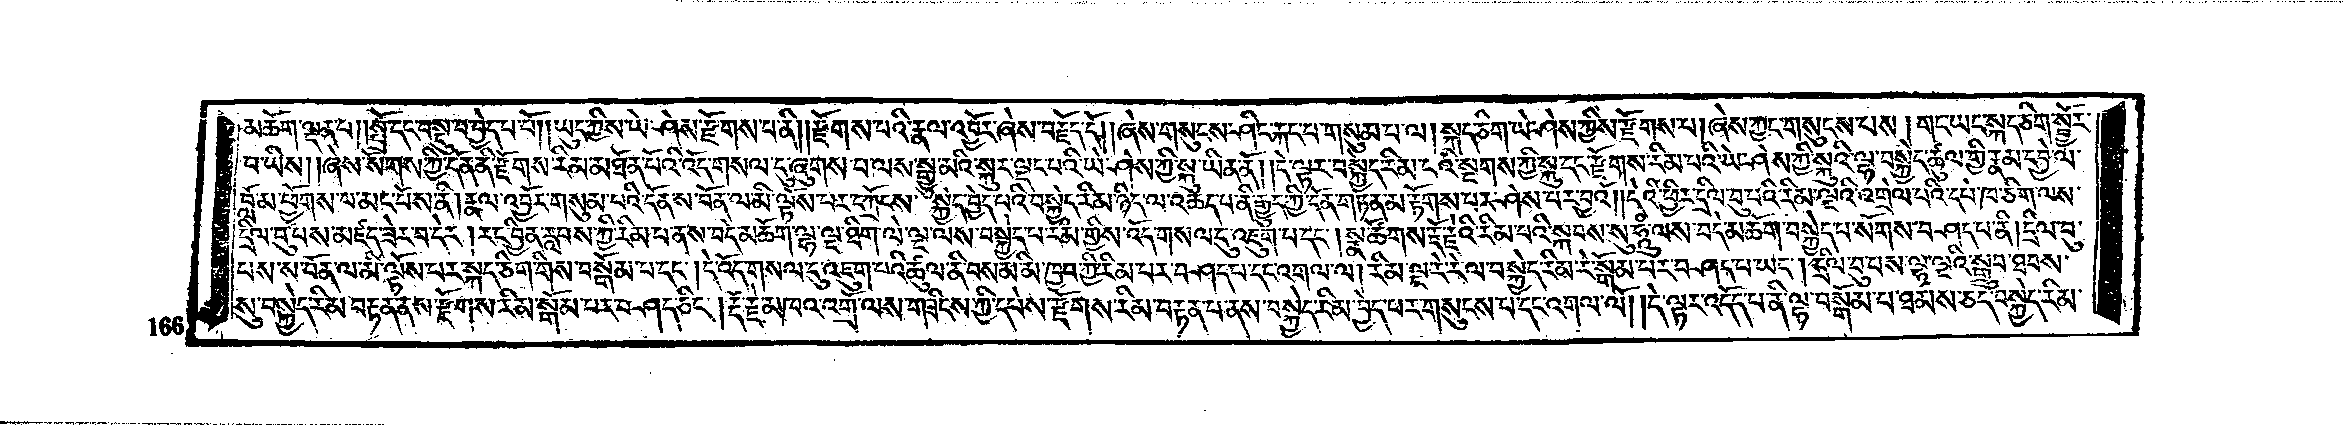མཆོག་ལྡན་པ། །སྤྲོ་དང་བསྡུ་བ་བྱེད་པ་པོ། །ཡུད་ཀྱིས་ཡེ་ཤེས་རྫོགས་པ་ནི། །རྫོགས་པའི་རྣལ་འབྱོར་ཞེས་བརྗོད་དོ། །ཞེས་གསུངས་ཤིང་རྐང་པ་གསུམ་པ་ལ། སྐད་ཅིག་ཡེ་ཤེས་ཀྱིས་རྫོགས་པ། ཞེས་ཀྱང་གསུངས་པས། གང་ཡང་སྐད་ཅིག་སྦྱོར་
བ་ཡིས། །ཞེས་སོགས་ཀྱི་དོན་ནི་རྫོགས་རིམ་མཐོན་པོའི་འོད་གསལ་དུ་ཞུགས་པ་ལས་སྒྱུ་མའི་སྐུར་ལྡང་པའི་ཡེ་ཤེས་ཀྱི་སྐུ་ཡིན་ནོ། །དེ་ལྟར་བསྐྱེད་རིམ་པའི་སྔགས་ཀྱི་སྐུ་དང་རྫོགས་རིམ་པའི་ཡེ་ཤེས་ཀྱི་སྐུའི་ལྷ་བསྐྱེད་ཚུལ་གྱི་རྣམ་དབྱེ་ལ་
བློ་མ་ཕྱོགས་པ་མང་པོས་ནི། རྣལ་འབྱོར་གསུམ་པའི་དོན་ས་བོན་ལ་མི་ལྟོས་པར་དཀྲོངས་སྐྱེད་བྱེད་པའི་བསྐྱེད་རིམ་ཉིད་ལ་འཆད་པ་ནི་རྒྱུད་ཀྱི་དོན་གཏན་མ་རྟོགས་པར་ཤེས་པར་བྱའོ། །དེའི་ཕྱིར་དྲིལ་བུ་པའི་རིམ་ལྔའི་འགྲེལ་པའི་དཔེ་ཁ་ཅིག་ལས་
དྲིལ་བུ་པས་མཛད་ཟེར་བ་དེར། རང་བྱིན་རླབས་ཀྱི་རིམ་པ་ནས་བདེ་མཆོག་ལྷ་ལྔ་ཐིག་ལེ་ལྔ་ལས་བསྐྱེད་པ་རིམ་གྱིས་འོད་གསལ་དུ་འཇུག་པ་དང་། སྣ་ཚོགས་རྡོ་རྗེའི་རིམ་པའི་སྐབས་སུ་ཧཱུཾ་ལས་བདེ་མཆོག་བསྐྱེད་པ་སོགས་བཤད་པ་ནི། དྲིལ་བུ་
པས་ས་བོན་ལ་མི་ལྟོས་པར་སྐད་ཅིག་གིས་བསྒོམ་པ་དང་། དེ་འོད་གསལ་དུ་འཇུག་པའི་ཚུལ་ནི་བསམ་མི་ཁྱབ་ཀྱི་རིམ་པར་བཤད་པ་དང་འགལ་ལ། རིམ་ལྔ་རེ་རེ་ལ་བསྐྱེད་རིམ་རེ་སྒོམ་པར་བཤད་པ་ཡང་། དྲིལ་བུ་པས་ལྷ་ལྔའི་སྒྲུབ་ཐབས་
སུ་བསྐྱེད་རིམ་བརྟན་ནས་རྫོགས་རིམ་སྒོམ་པར་བཤད་ཅིང་། རྡོ་རྗེ་མཁའ་འགྲོ་ལས་གཟིངས་ཀྱི་དཔེས་རྫོགས་རིམ་བརྟན་པ་ནས་བསྐྱེད་རིམ་བྱེད་པར་གསུངས་པ་དང་འགལ་ལོ། །དེ་ལྟར་འདོད་པ་ནི་ལྷ་བསྒོམ་པ་ཐམས་ཅད་བསྐྱེད་རིམ་